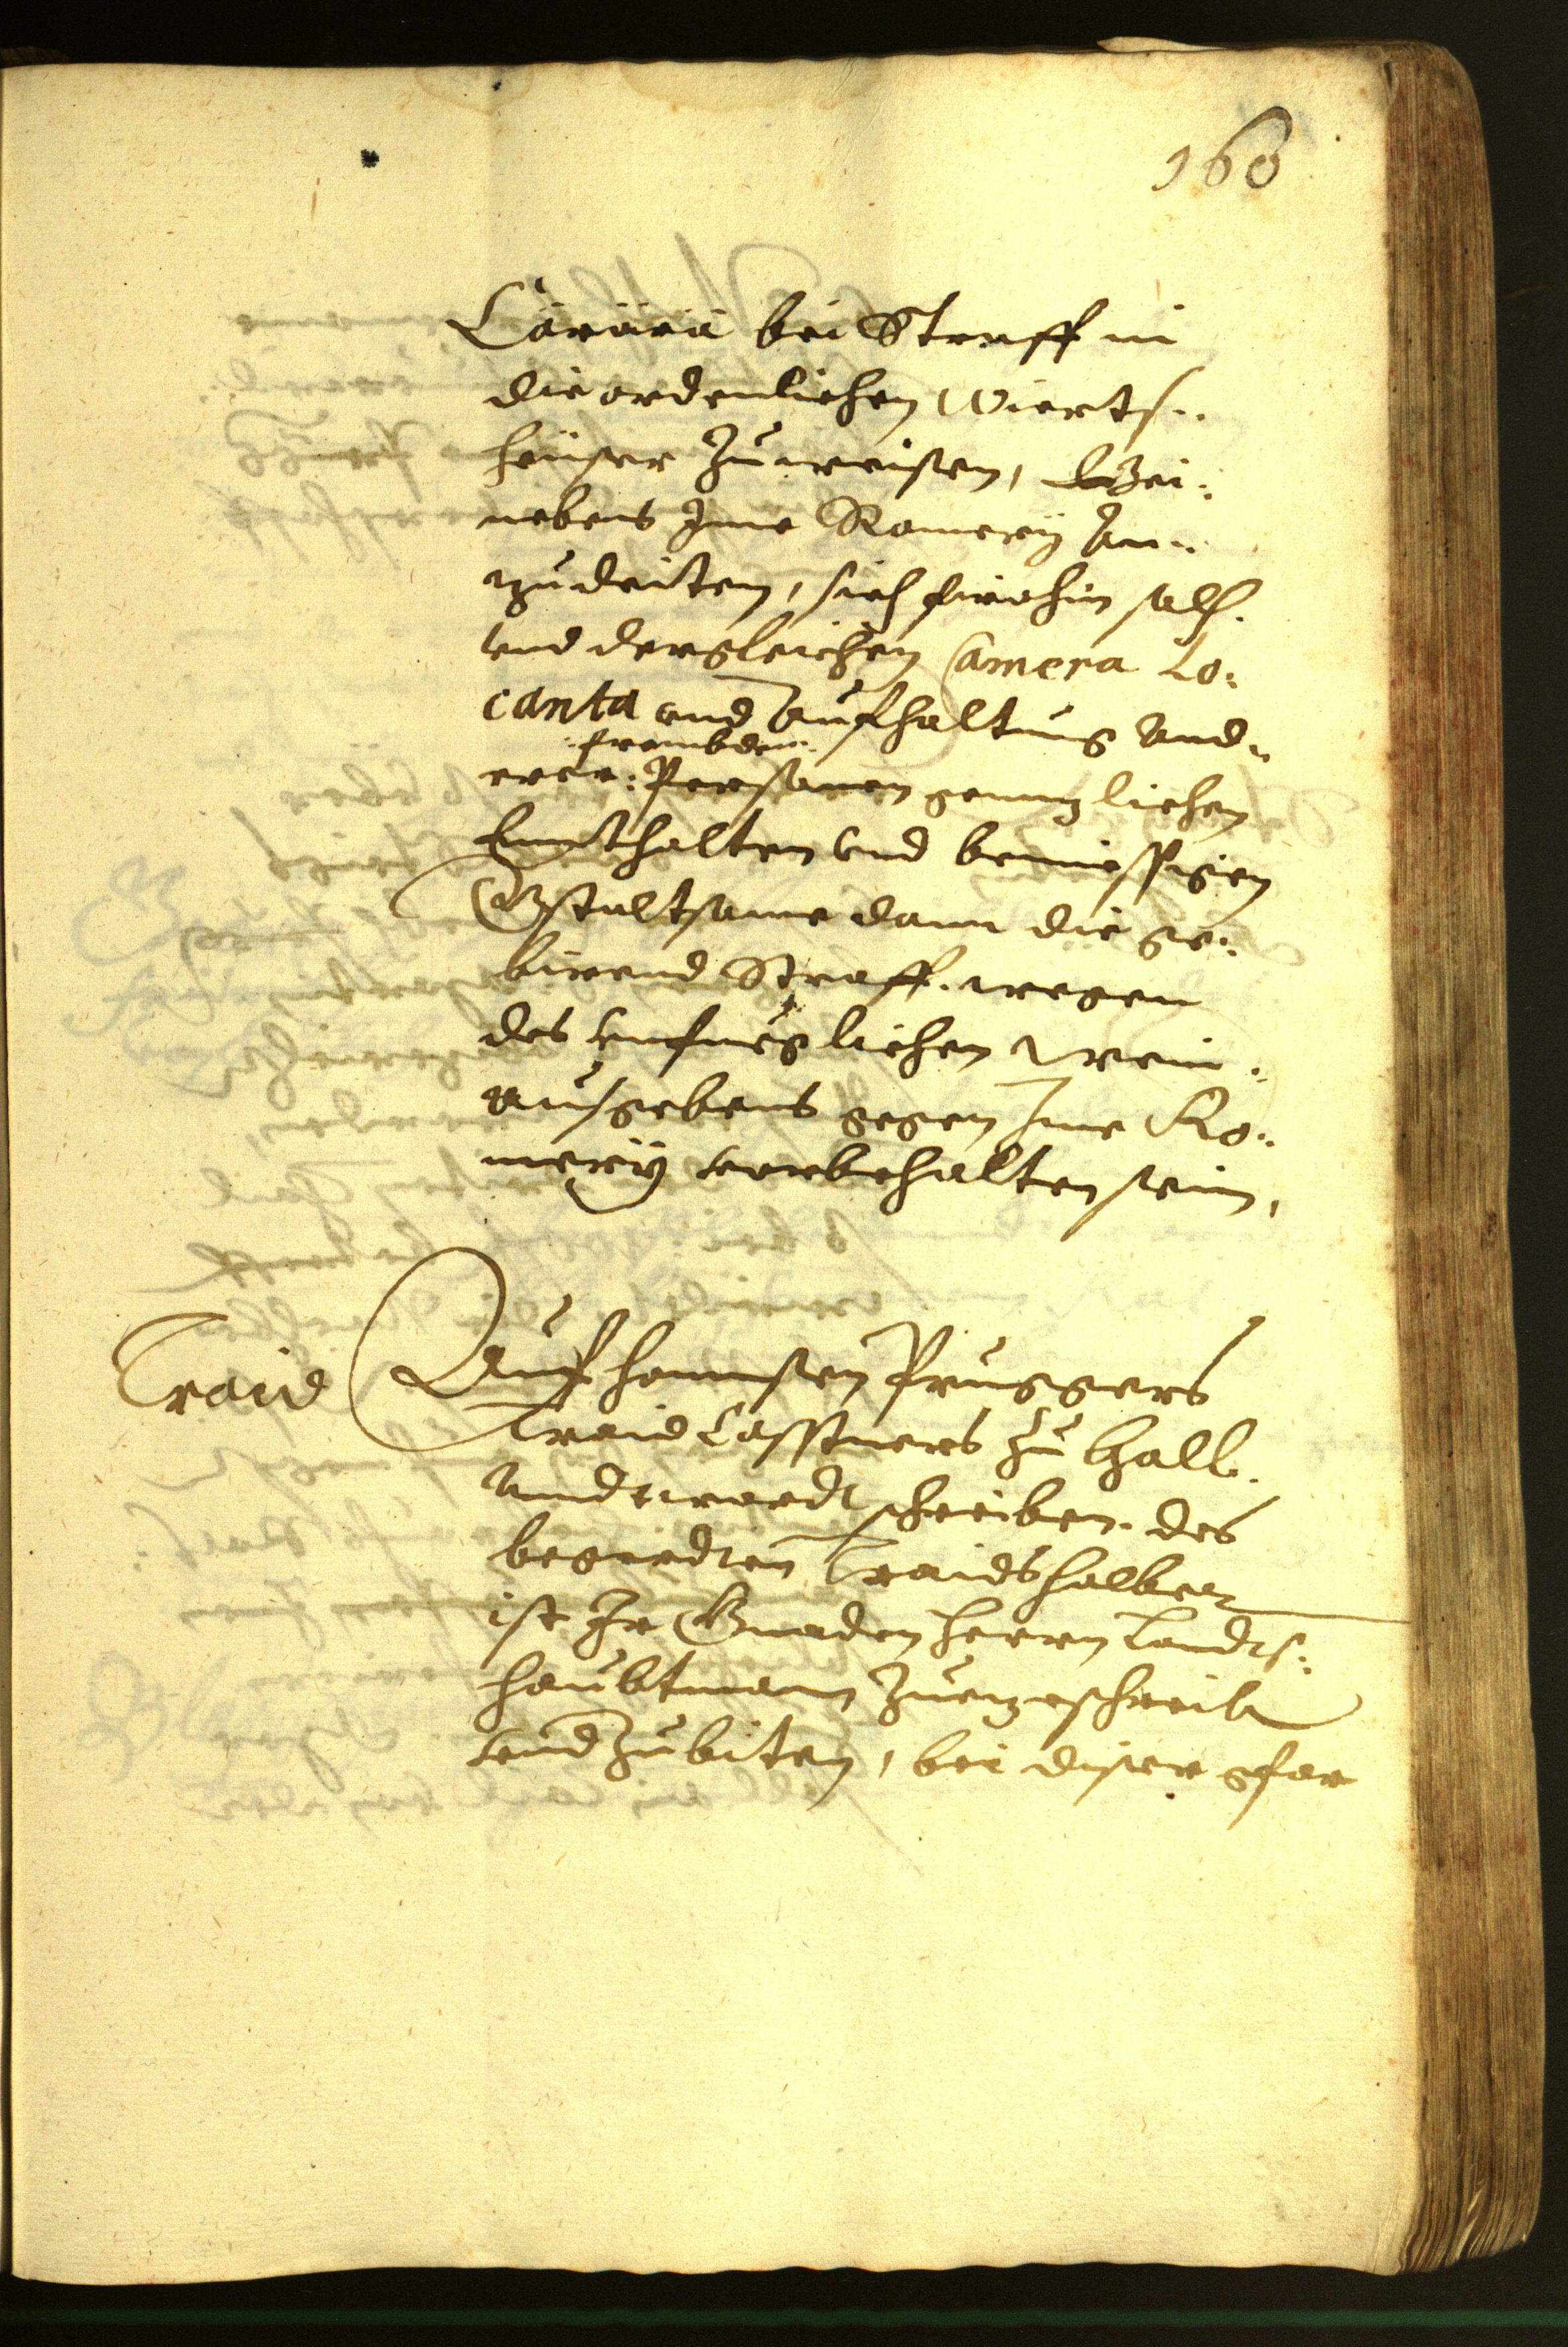160
Cärärä bei Straff in
die ordenlichen Wierts¬
heüser Zū weisen, Er Zei¬
nebens Ime Romerÿ An¬
zū deiten, sich firohin solh.
vnd dergleichen Camera Lo¬
canta vnd Aūfhaltūng And¬
:rembder:
erer : Personen gennz lichen
Ennthalten vnd bemiessigen
Gstaltsame dann die ge¬
birend Straff. wegen
des vnfūeg lichen Wein¬
Aūsgebens gegen Ime Ro¬
merÿ vorbehalten sein,
Aūf hannsen Prūggers
Traid Casstners Zū Hall.
Anndtwordt schreiben. des
begerdten Traids halber
ist Ir Gnaden herrn Landts¬
haūbtman Zūezeschreib
vnnd Zū biten, bei diser gfar
Traid